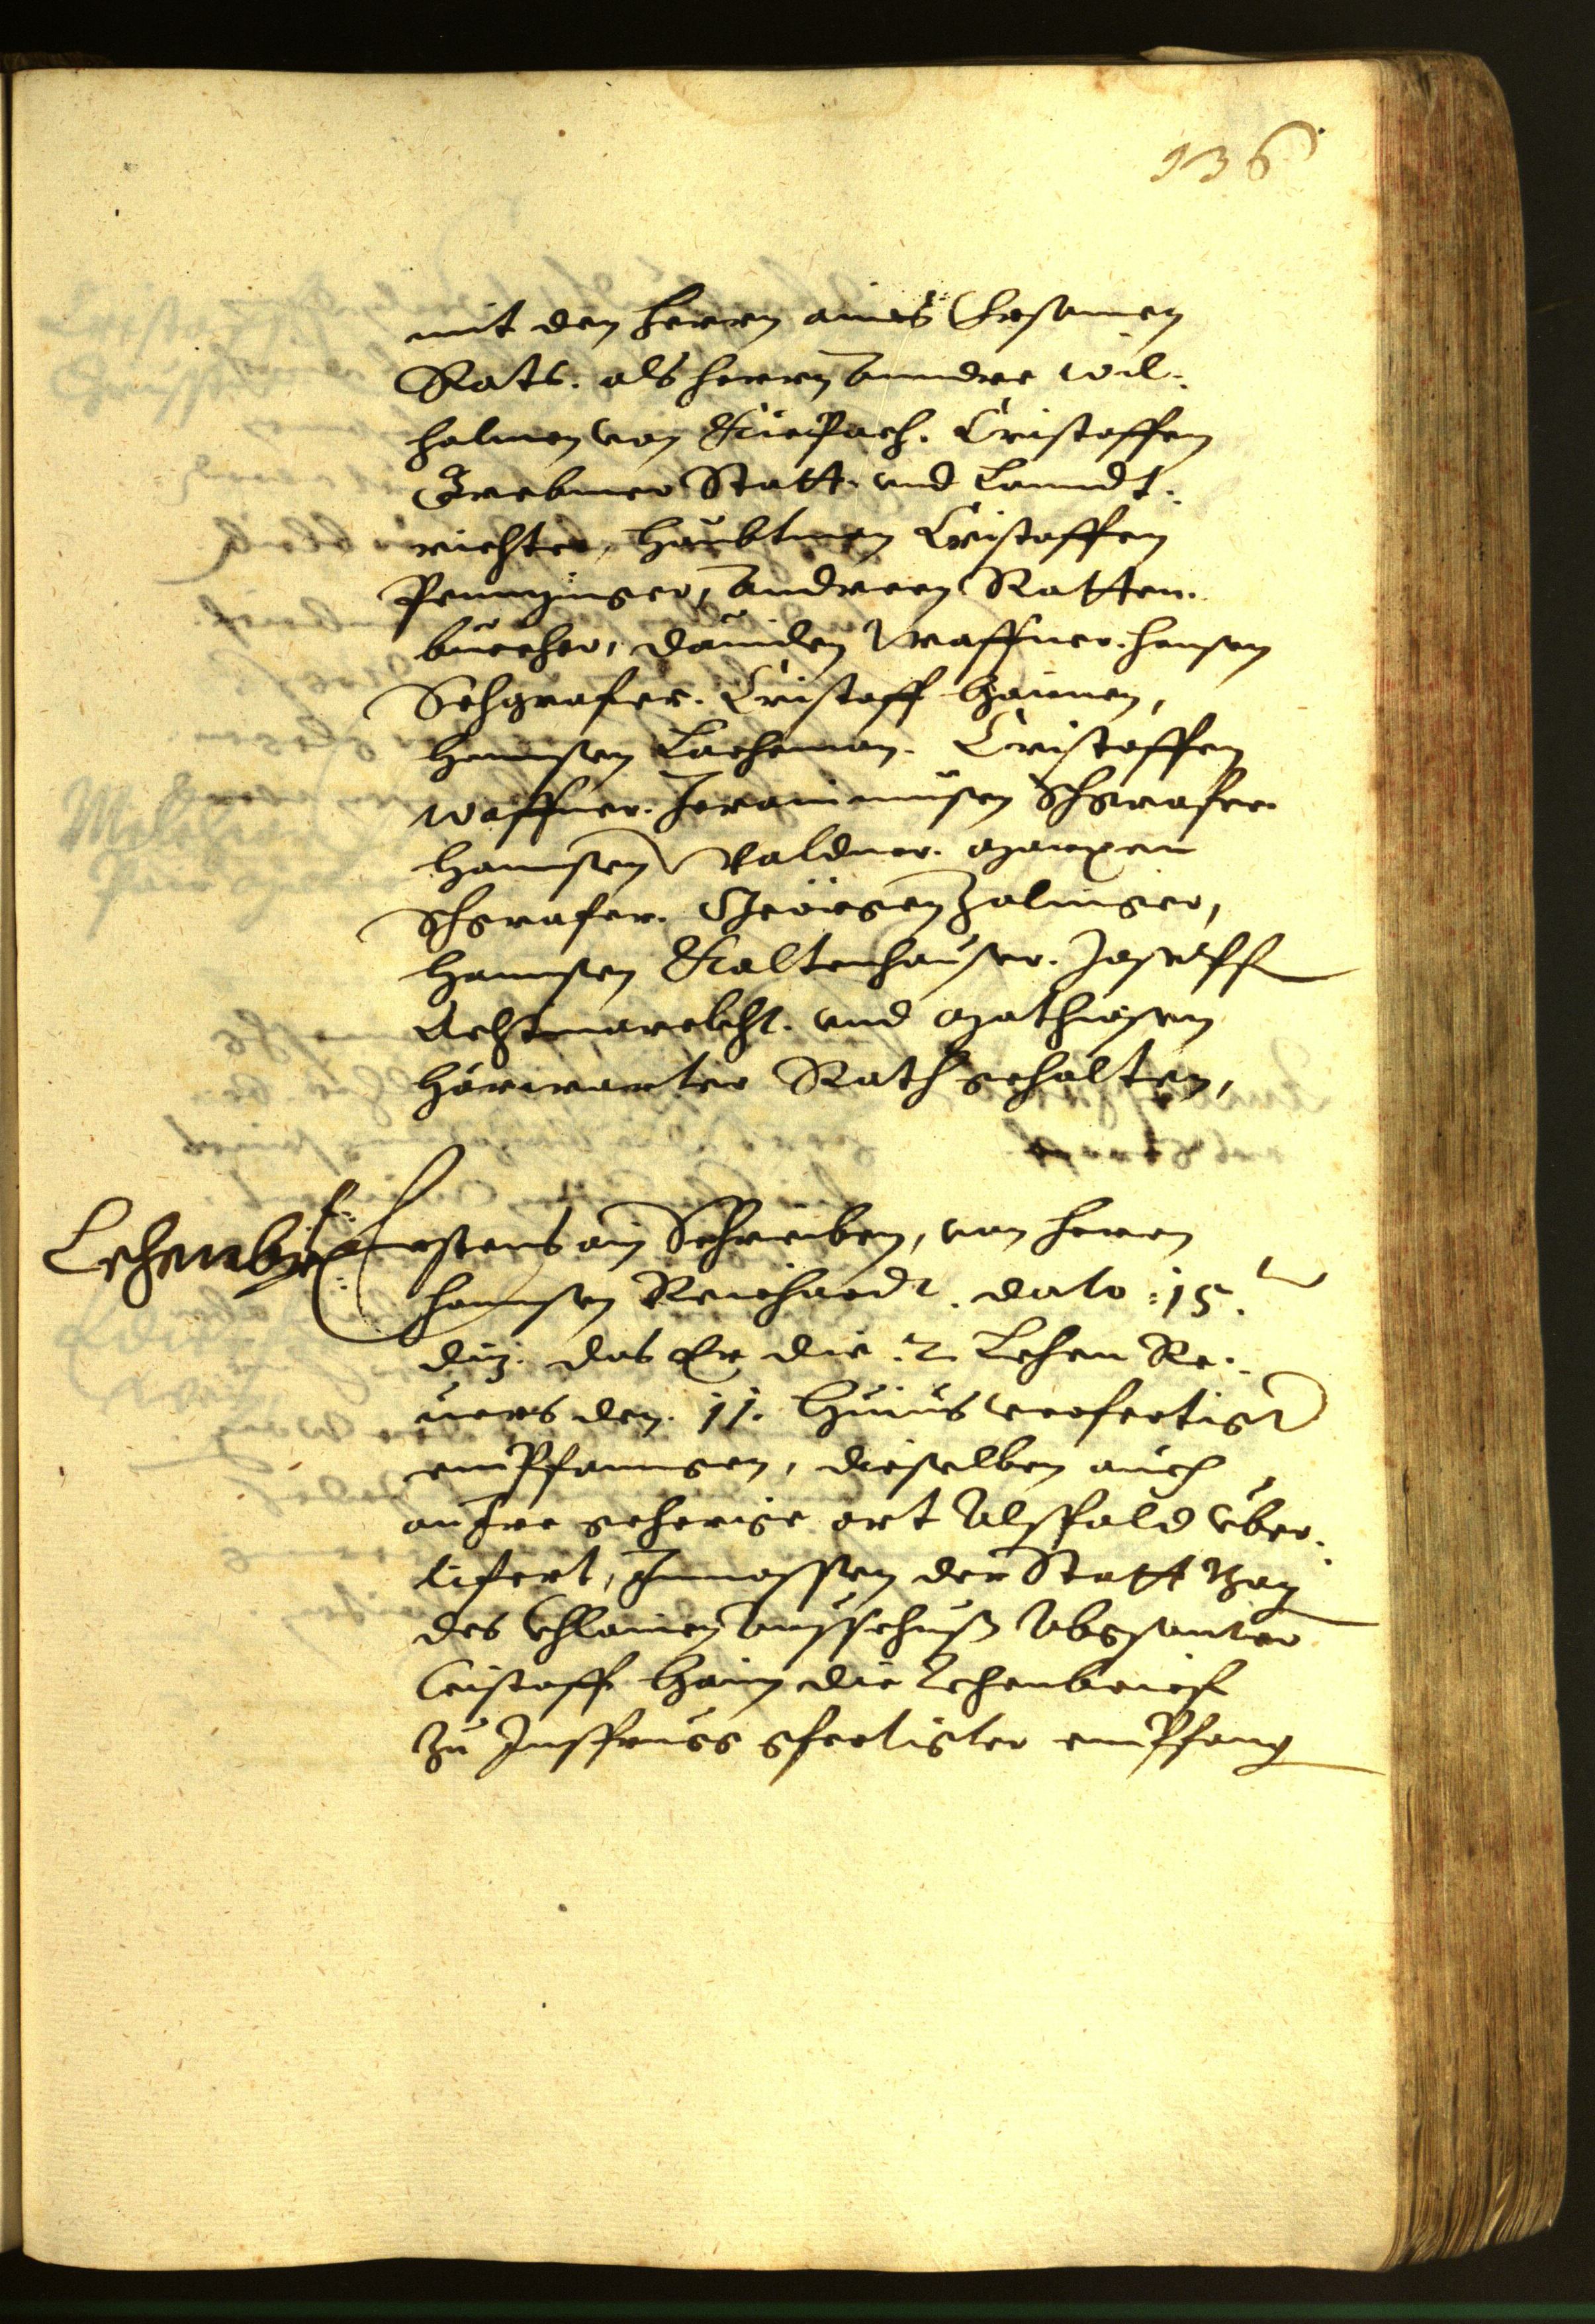136
mit den herrn aines Ersamen
Rats. als herrn Anndre Wil¬
halmen von KiePach. Cristoffen
Grebmer Statt: vnd Lanndt¬
richter, Haūbtman Cristoffen
Pennzinger, Andreen Rotten¬
būecher, Daūiden Waffner. hansen
Schgrafer. Cristoff Haimen,
Hannsen Locheman. Cristoffen
Waffner. Jeronimūsen Schgrafer,
Hannsen Waldner. Marxen
Schgrafer. Geörgen Zalinger,
Hannsen Kaltenhaūser. Joseff
Achtmarckht. vnd Mathiasen
Hōrwarter Rath gehalten,
Erstens ain Schreiben, von herrn
hannsen Reichardt. dato: 15.t
diz. das Er die .2. Lehen Re¬
ūers den .11. Hūiūs verfertigt
emPfanngen, dieselben aūch
an Ire geherige ort Alspald v̄ber¬
lifert, Inmassen der Statt Boz
des khlainen Aūsschūß Abgsanter
Cristoff Haim die Lehenbrief
Zū Insprūgg gfertigter emPfang
Lehenbr: